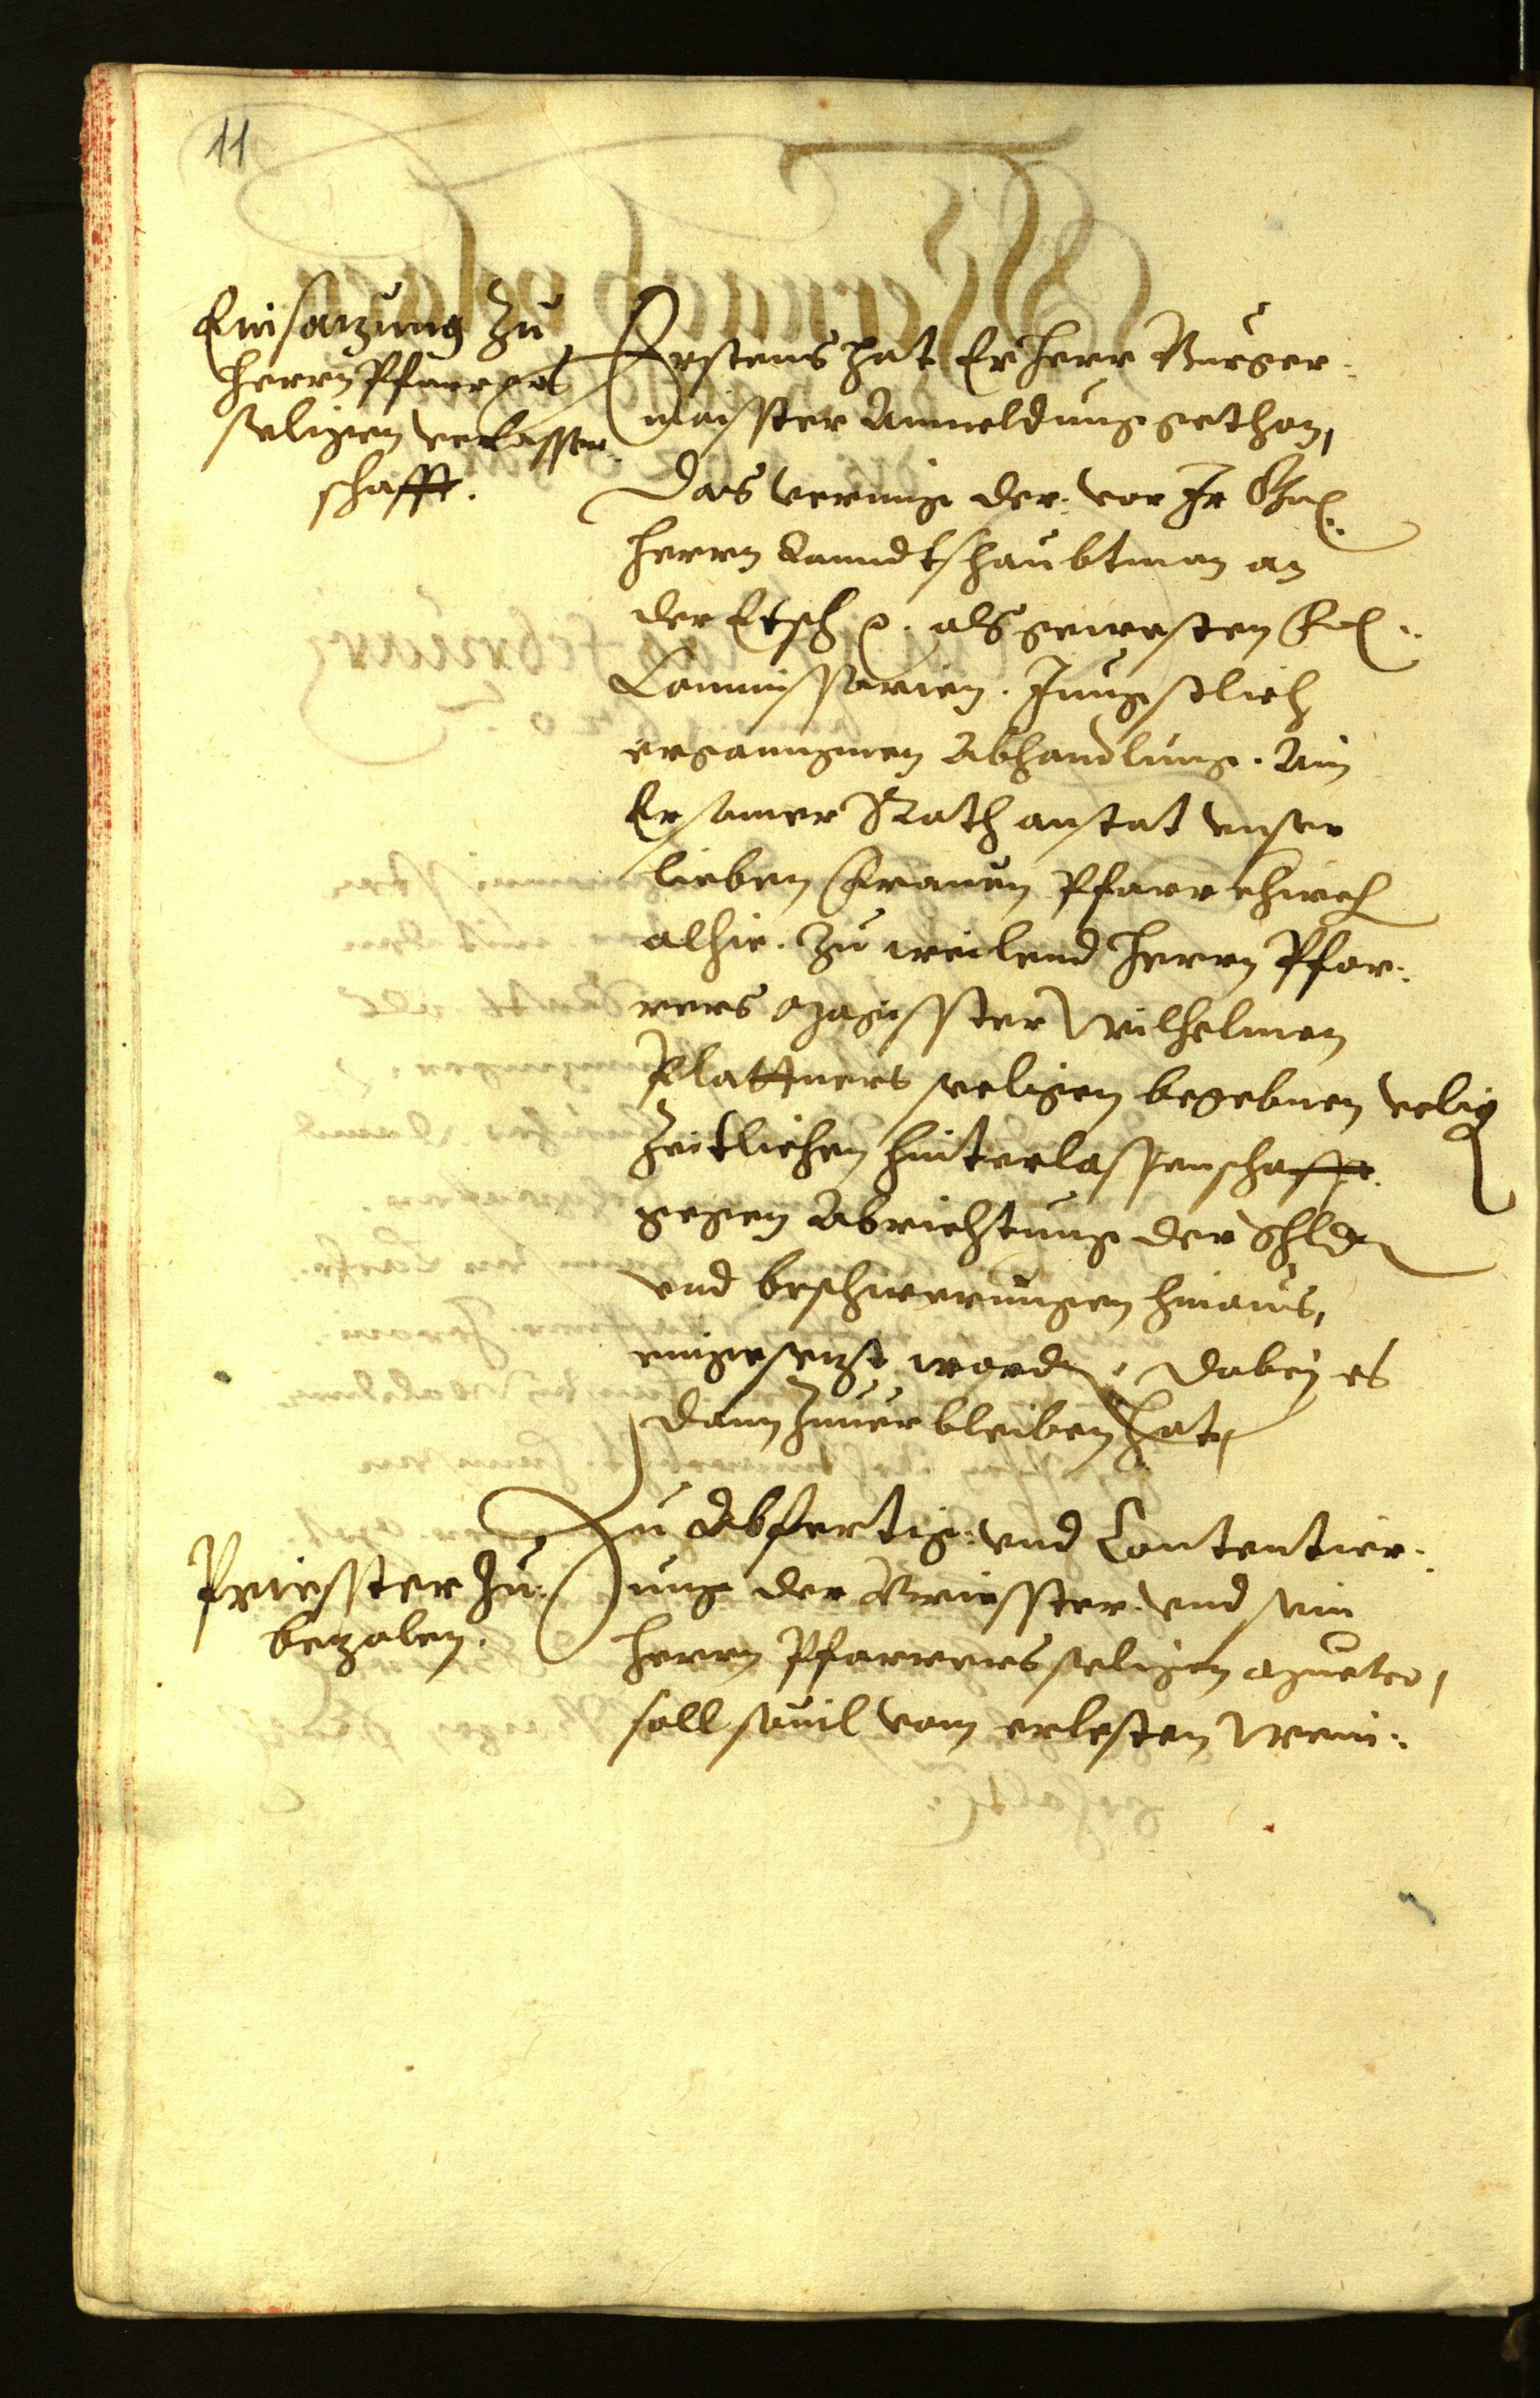11
Einsazūng Zū
herrn Pfarrers
seligen verlassen¬
schafft.
Erstens hat Er herr Būrger¬
maisster Anmeldūng gethan,
das vermig der vor Ir Gn:
herrn Lanndtshaūbtman an
der Etsch etc. als gewesten Frl:
Commissarien. Jūngstlich
erganngnen Abhandlūng. Ain
Ersamer Rath anstat vnser
lieben Fraūen Pfarrkhirch
alhie. Zū weilend herrn Pfar¬
rers Magisster Wilhelmen
Plattners seligen begebnen velig
Zeitlichen hinterlassenschafft
gegen Abrichtūng der Schld
vnd beschwerūngen hinaūs,
eingesezt word, dabei es
dann Zūuērbleiben hat,
Zū Abfertig: vnd Contentier¬
ūng der Briesster. vnd sein
herrn Pfarrers seligen Mūeter,
soll soūil vom erlesten Wein¬
Priesster Zū
bezalen.